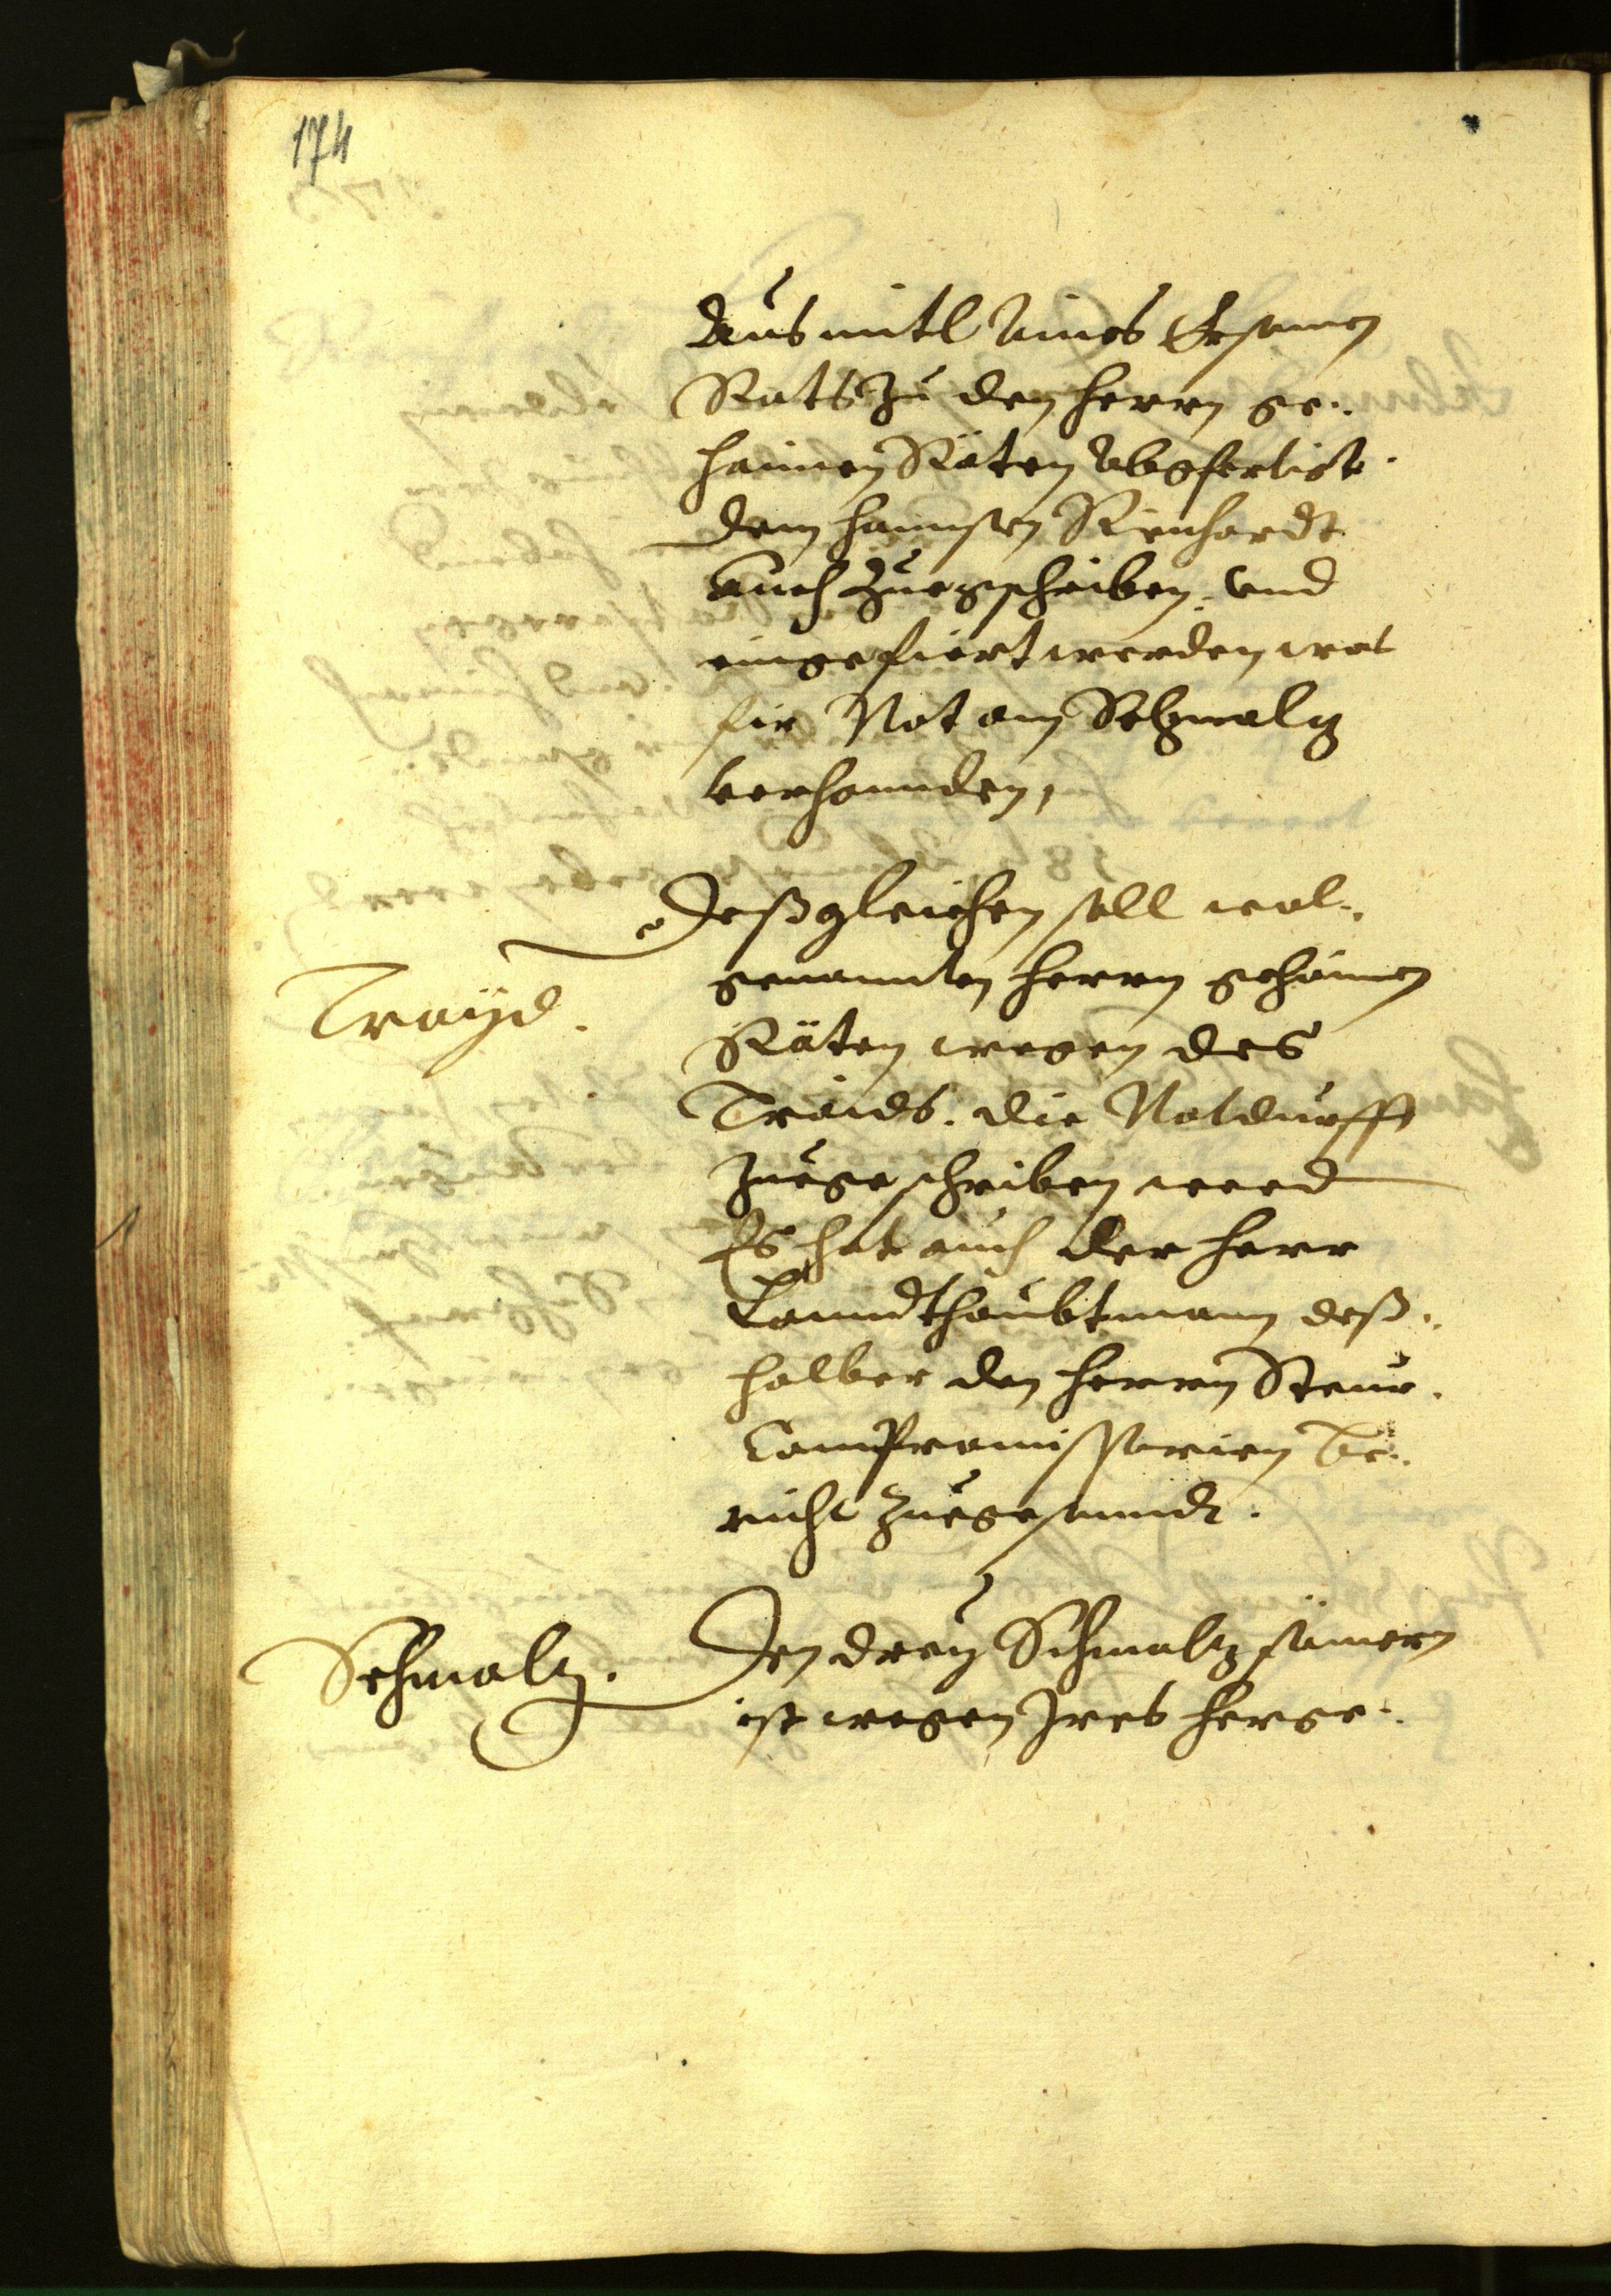174
Aūs mitl Aines Ersamen
Rats Zū den herrn ge¬
haimen Räten Abgfertigt.
dem hannsen Reichardt
aūch Zūegschriben. vnd
eingefiert werden was
fir Not am Schmalz
verhannden,
Deßgleichen soll wol¬
genannten herrn gehaimen
Räten wegen des
Traids. die Notdūrfft
Zūegeschriben werd
Es hat aūch der herr
Lanndthaūbtmann deß¬
halber den herrn Steūr.
ComPromissarien Be¬
richt Zūegesanndt.
Traÿd.
Den dreȳ Schmalz sämern
ist wegen Ires herge¬
Schmalz.